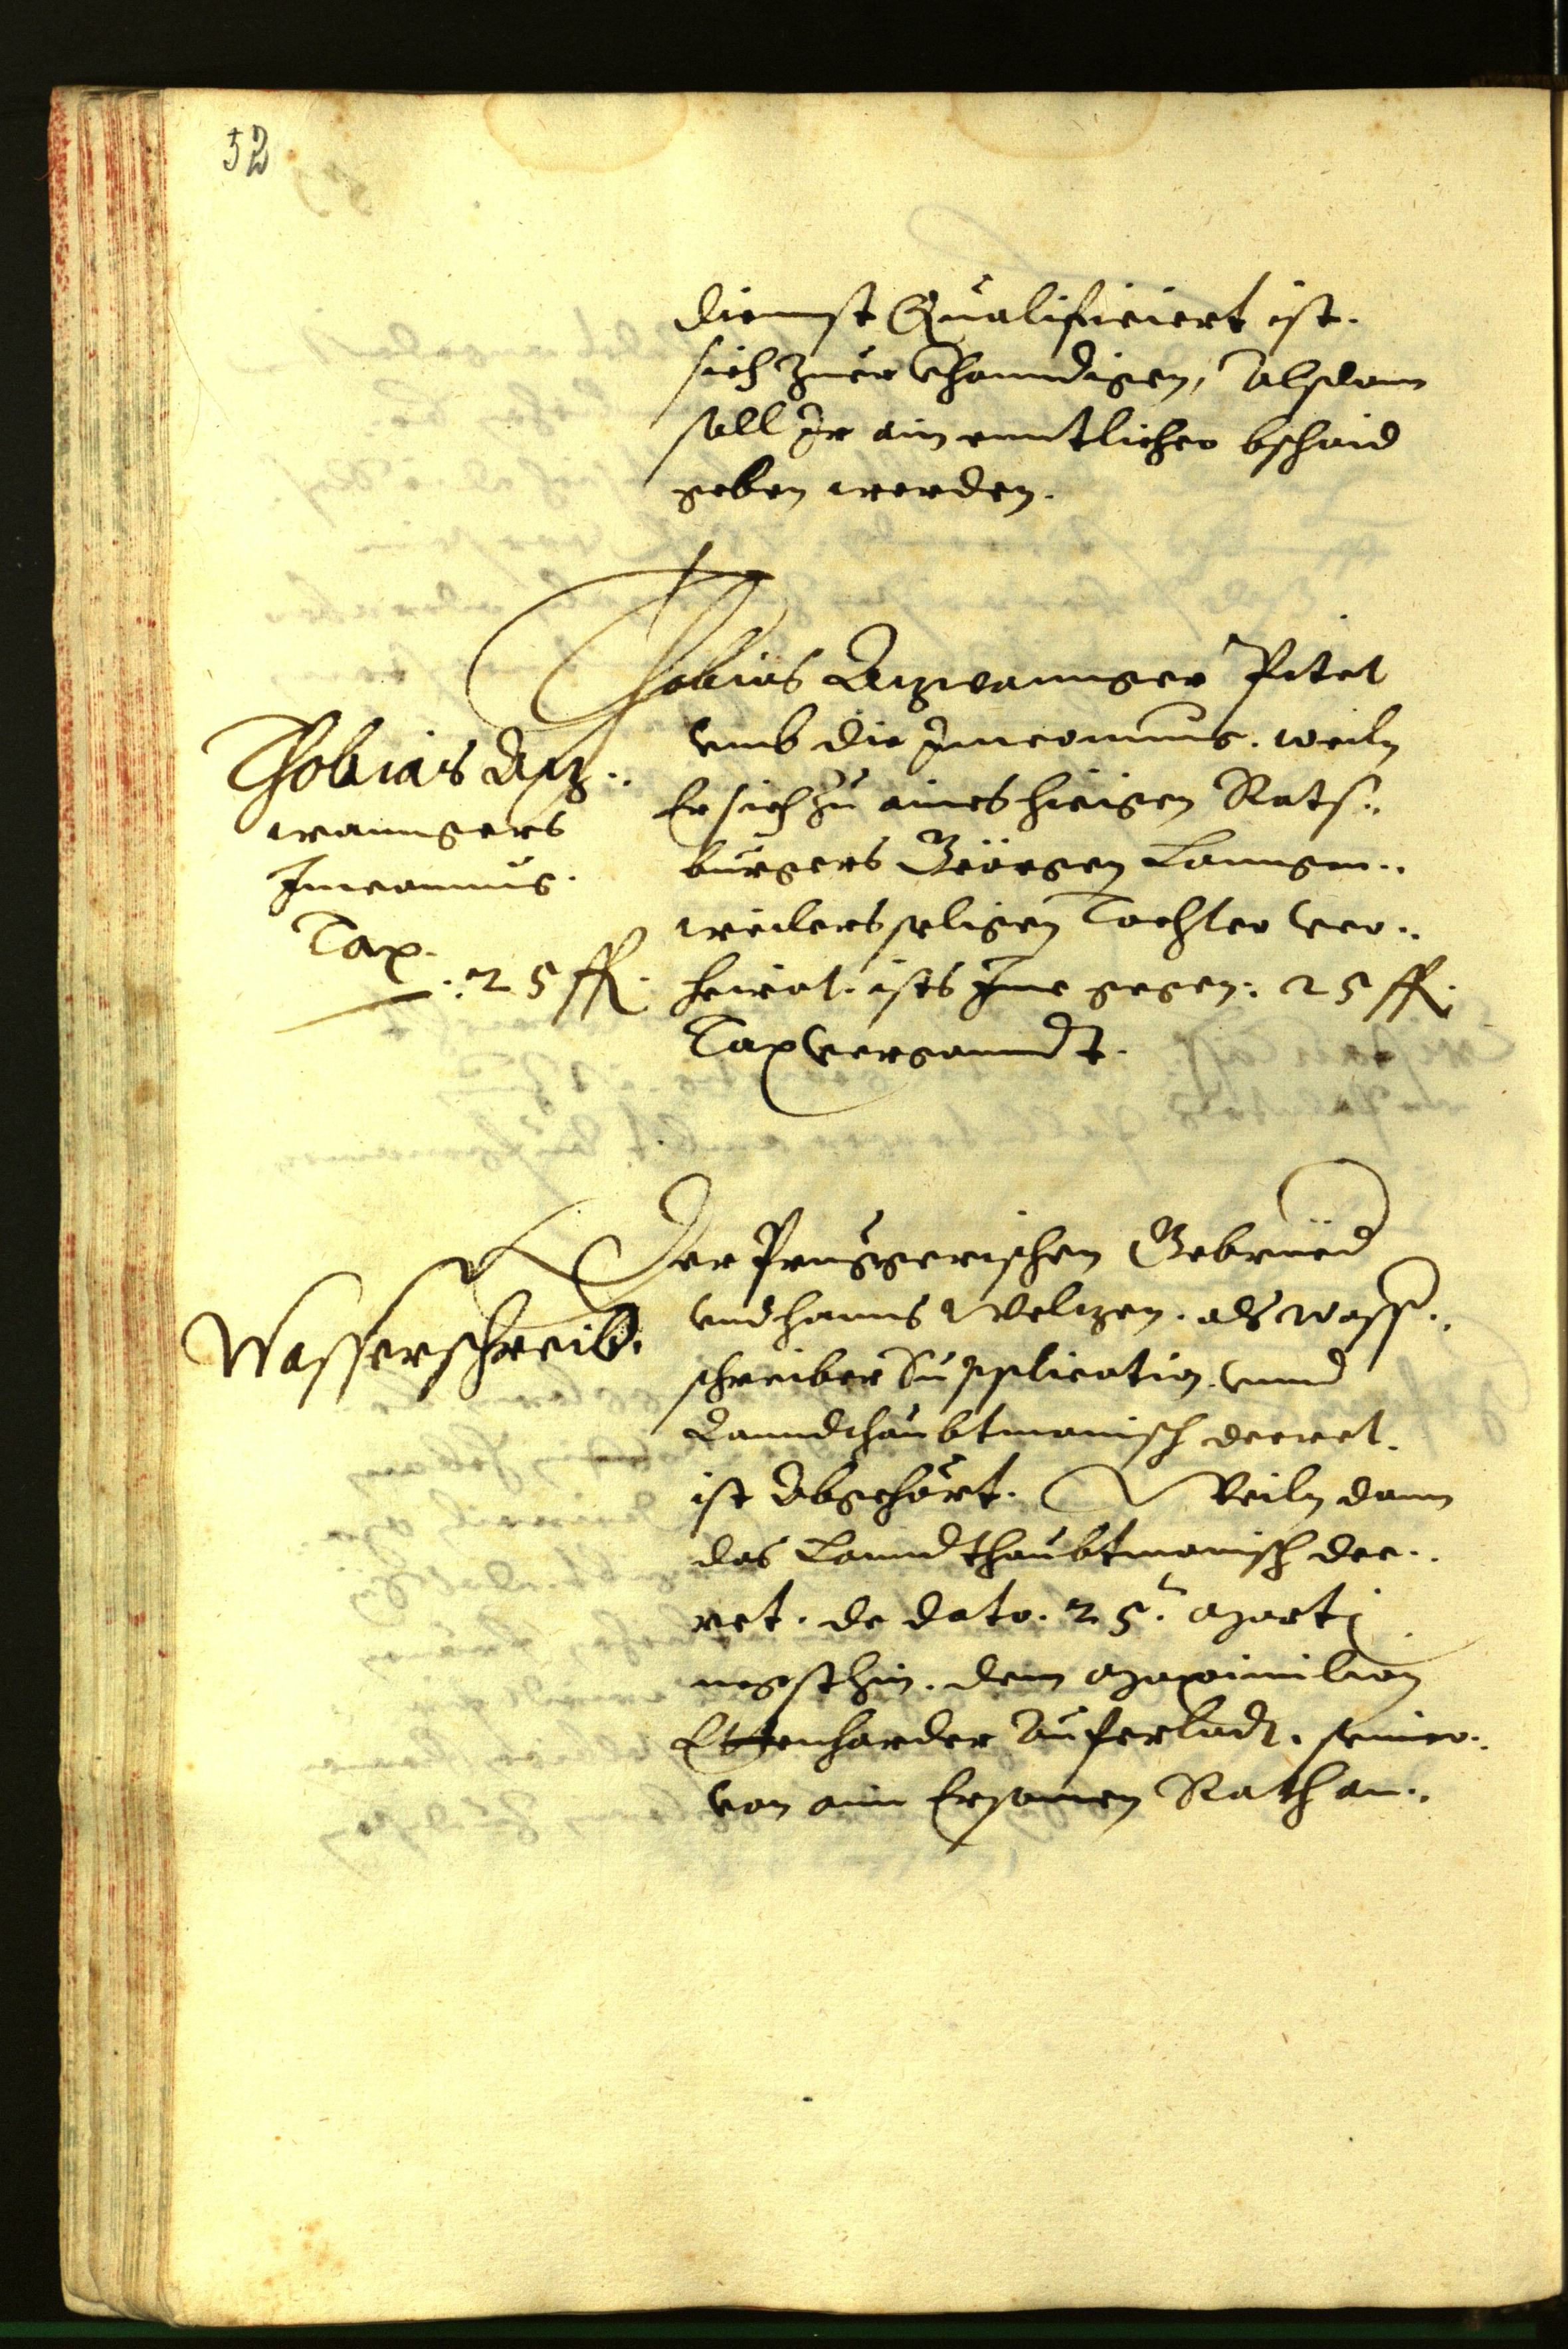52
diennst Qūalificiert ist.
sich Zūerkhonndigen, Alsdann
soll Ir ain enntlicher bschaid
geben werden.
Thobias Azwannger Pitet
vmb die Inwonnūng. weiln
Er sich Zū aines hieigen Rats¬
būrgers Geörgen Lanngen¬
weilers seligen Tochter ver¬
heirat. ists Ime gegen: 25 fl.
Tax vergonndt.
Thobias Az¬
wanngers
Inwonnūng.
Tax. —: 25 fl.
Der Prūggerischen Gebrüed
vnd hanns Weltzen. als Wass¬
schreiber Sūpplication. vnnd
Lanndthaūbtmanisch decret.
ist Abgehōrt. Weiln dann
das Lanndthaūbtmanisch dec¬
ret. de dato. 25.t Martj
negsthin. dem Maximilian
Ettenharder Aūferladt. seiner¬
von aim Ersamen Rath an¬
Wasserschreib.